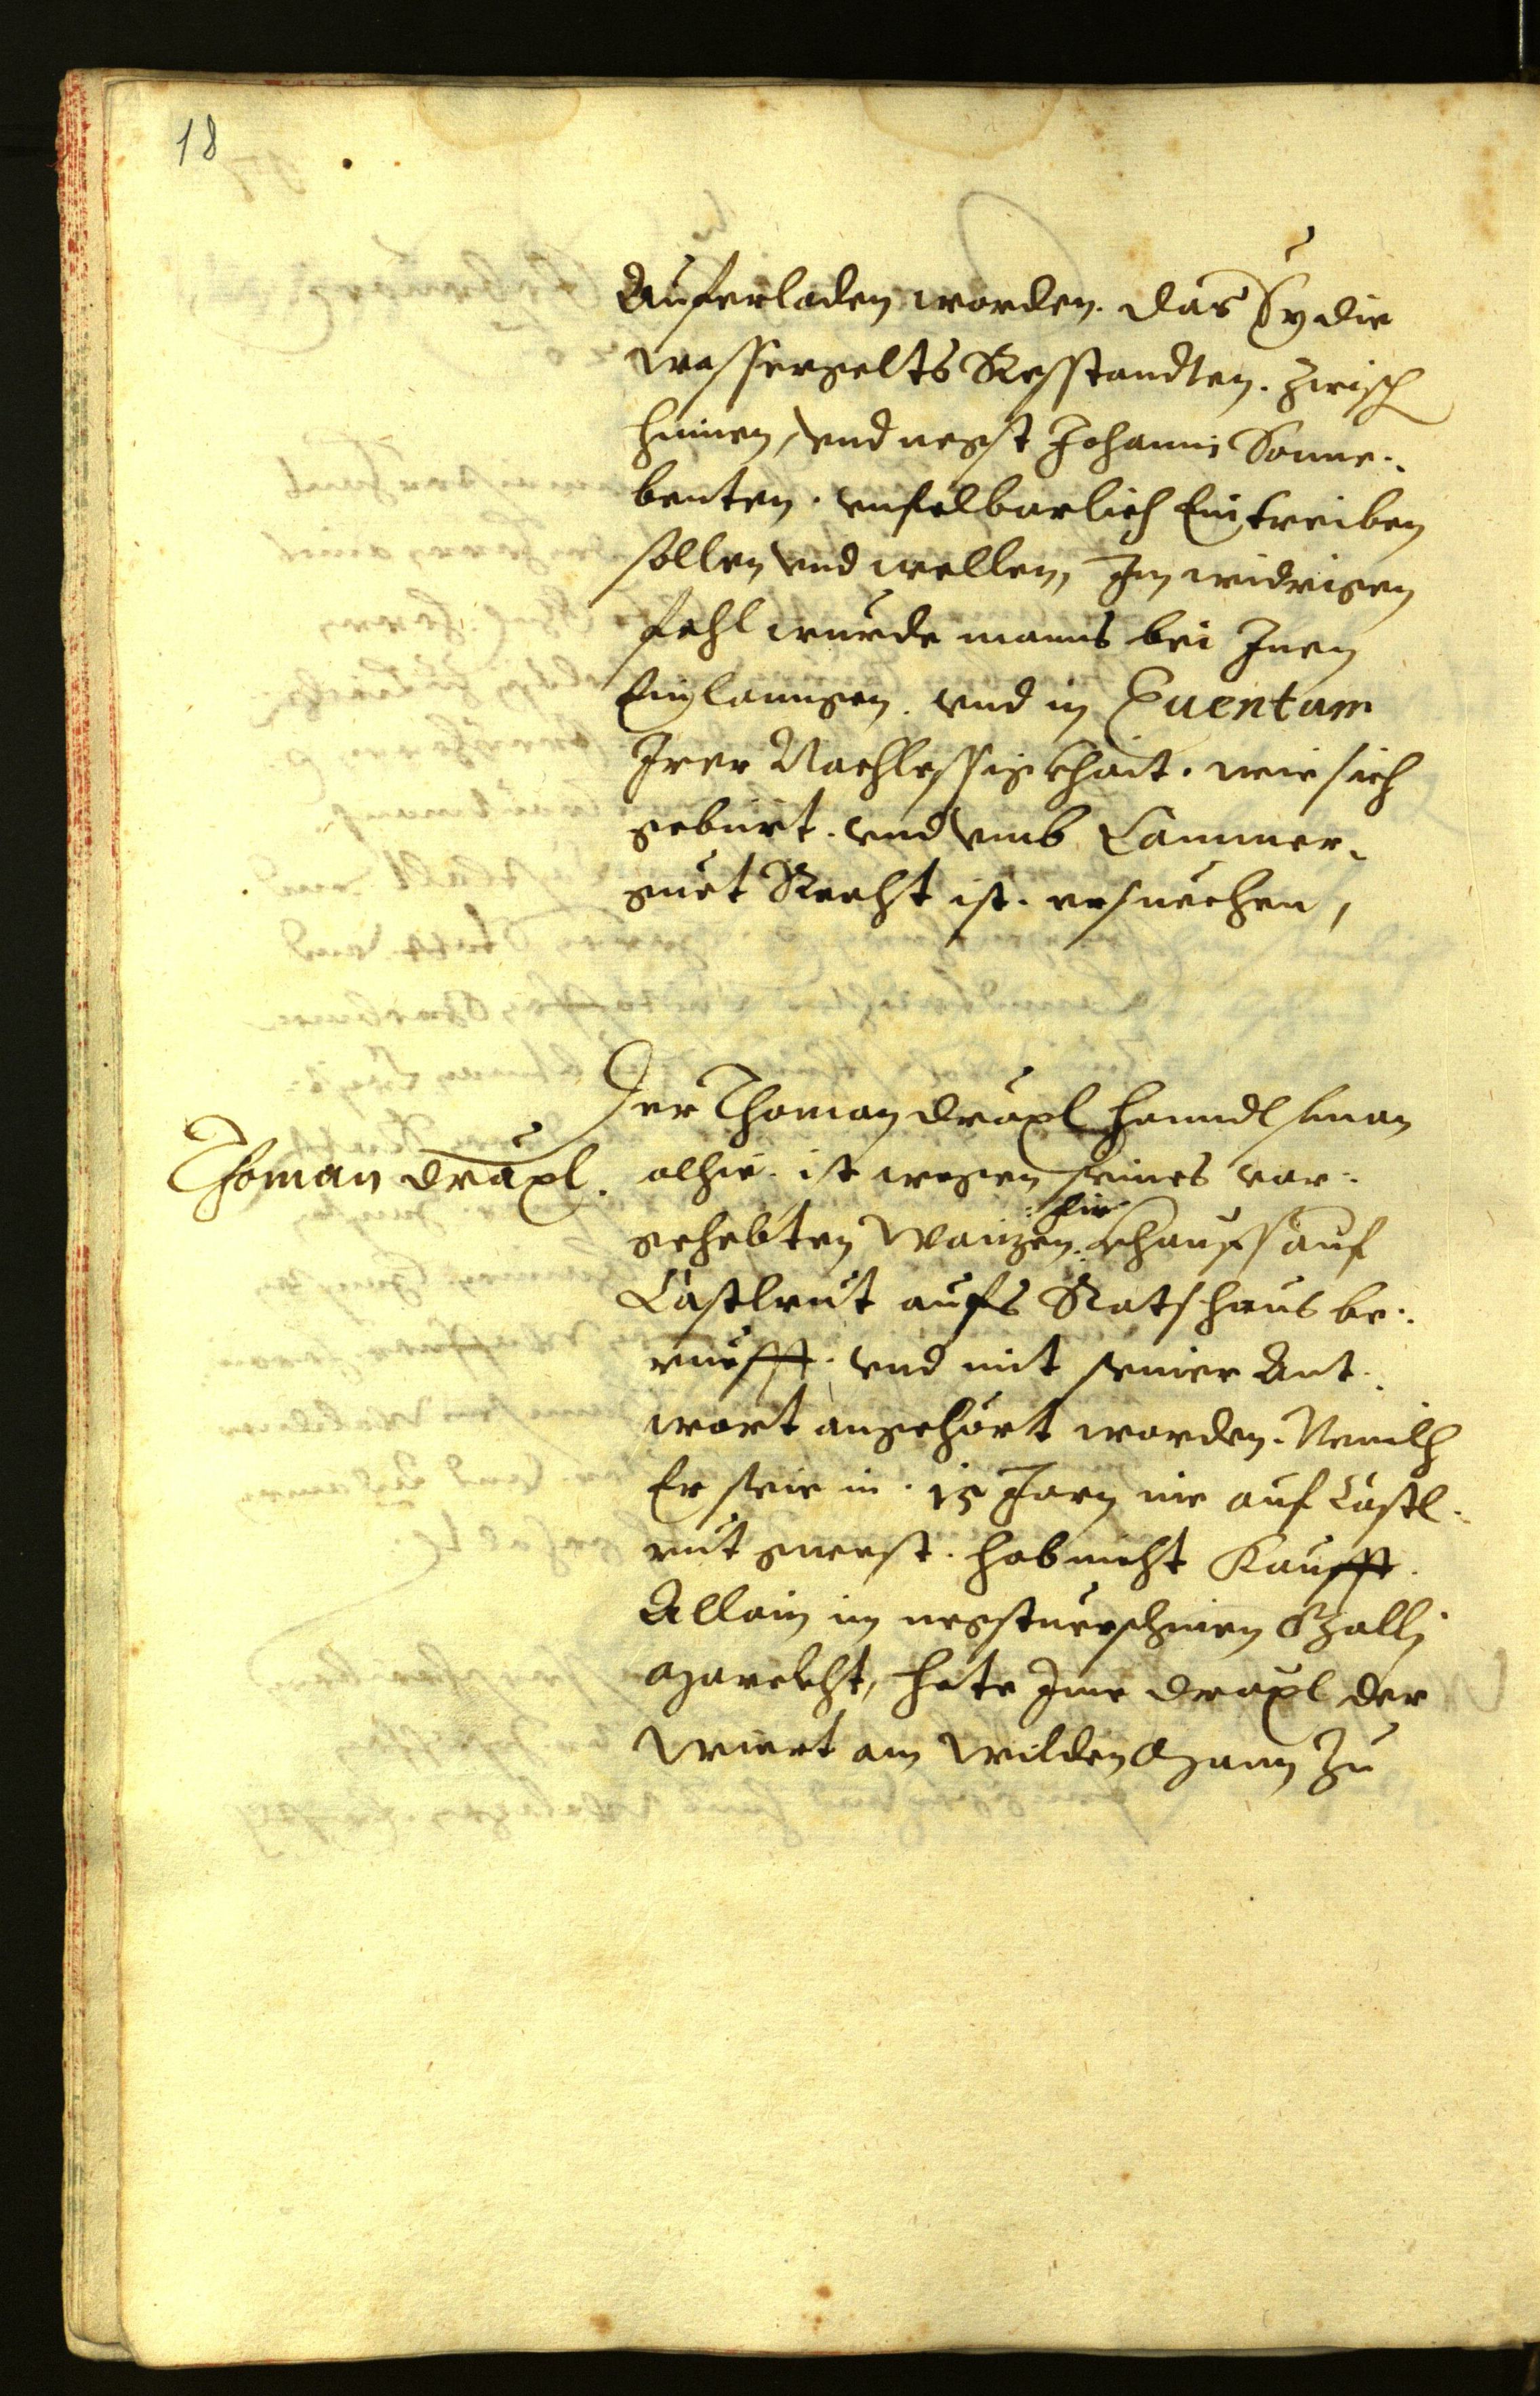18
Aūferladen worden, das Sȳ die
Wassergelts Resstandten. Zwisch
hinnen, vnd negst Johanni Sonne¬
benten. unfelbarlich Eintreiben
sollen vnd wellen, Im widrigen
fahl wūrde mans bei Inen
Einlanngen. vnd in Euentum
Irer Nachlessigkhait. wie sich
gebürt. vnd vmb Cammer¬
gūet Recht ist. ersūechen,
Der Thoman drāxl Hanndlsman
alhie. ist wegen seines vor¬
gehebten Waizen: Khaūfs aūf
Castlrūt aūfs Ratshaūs be¬
rūefft vnd mit seiner Ant¬
wort angehōrt worden. Nemlich
Er seie in .15 Jarn nie aūf Castl¬
rūt gwest. hab nicht Kaūfft.
Allain im negstvērschinen Gallj
Marckht, hete Ime drāxl der
Wiert am Wilden Mann Zū
Thoman drāxl.